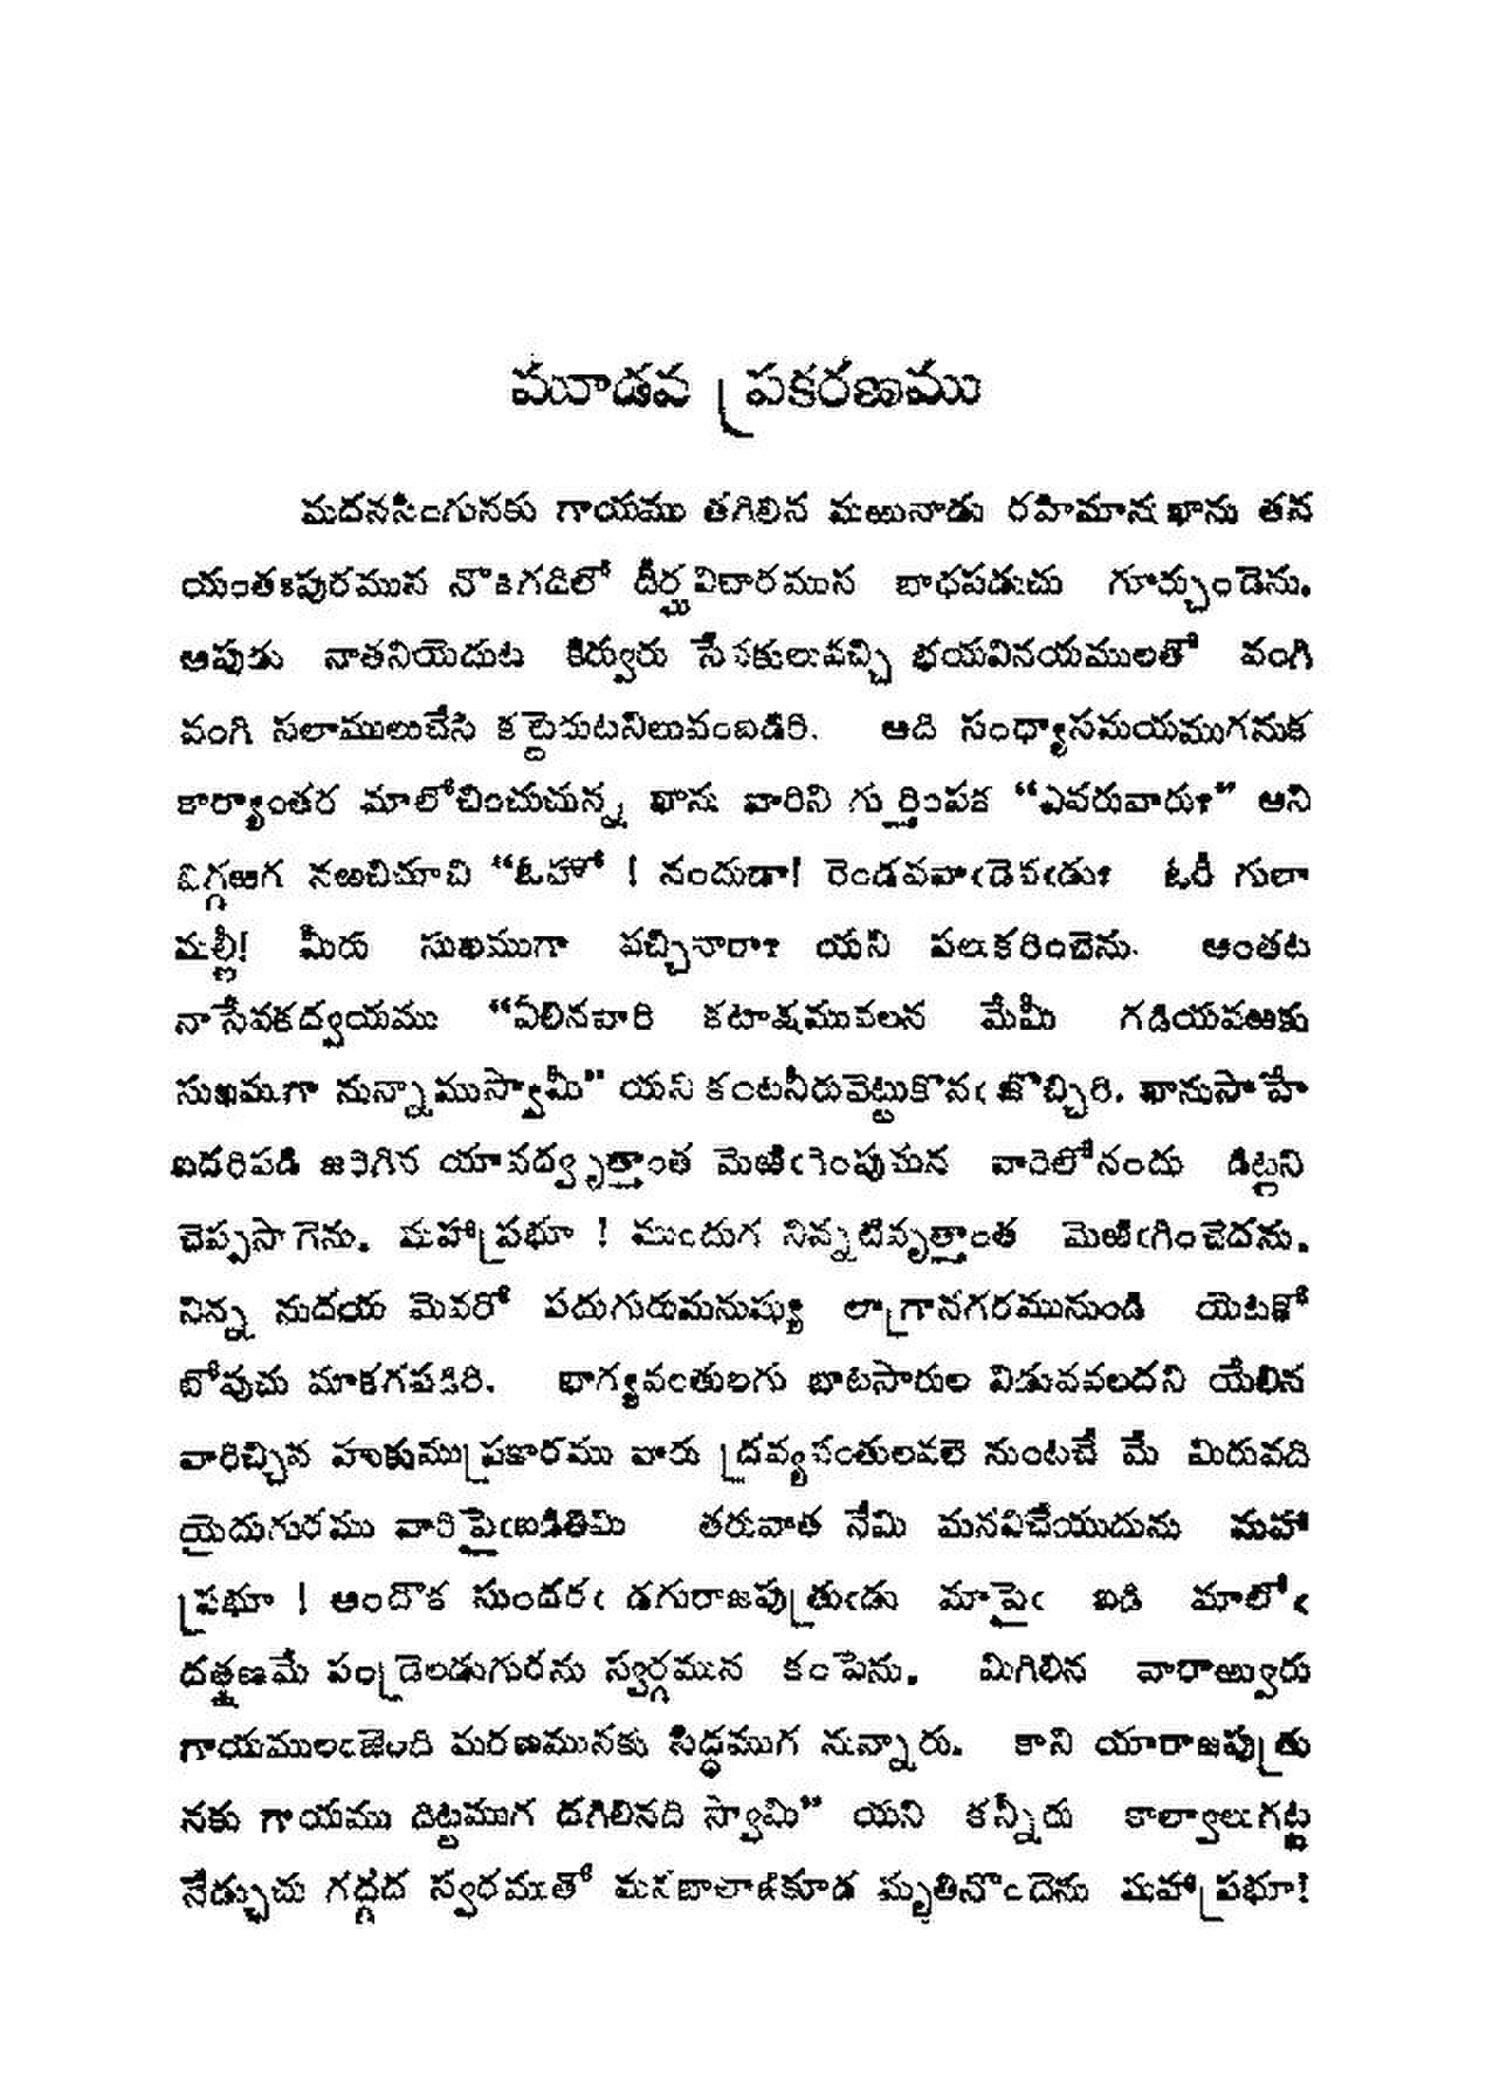మదనసింగునకు గాయము తగిలిన మఱునాడు రహిమానుఖాను తన యంతఃపురమున నొకగదిలో దీర్ఘవిచారమున బాధపడుచు గూర్చుండెను. అపుడు నాతనియెదుట కిర్వురు సేవకులు వచ్చి భయవినయములతో వంగి వంగి సలాములుచేసి కట్టెదుటనిలువంబడిరి. అది సంధ్యాసమయముగనుక కార్యాంతర మాలోచించుచున్న ఖాను వారిని గుర్తింపక “ఎవరువారు?” అని బిగ్గఱగ నఱచి చూచి “ఓహో! నందుడా! రెండవవాఁడెవడు? ఓరీ గులామల్లీ! మీరు సుఖముగా వచ్చినారా? యని పలుకరించెను. అంతట నా సేవకద్వయము. “ఏలినవారి కటాక్షమువలన మేమీ గడియవఱకు సుఖముగా నున్నాముస్వామీ” యని కంటనీరువెట్టుకొనఁ జొచ్చిరి. ఖానుసాహే బదరిపడి జరిగిన యావద్వృత్తాంత మెఱిఁగింపుమన వారిలోనందు డిట్లని చెప్పసాగెను. మహాప్రభూ! ముందుగ నిన్నటి వృత్తాంత మెఱిఁగించెదను. నిన్న నుదయ మెవరో పదుగురు మనుష్యు లాగ్రానగరమునుండి యెటకో బోవుచు మాకగపడిరి. భాగ్యవంతులగు బాటసారుల విడువవలదని యేలిన వారిచ్చిన హుకుము ప్రకారము వారు ద్రవ్యవంతులవలె నుంటచే మే మిరువది
యైదుగురము వారిపైఁబడితిమి. తరువాత నేమి మనవి చేయుదును మహాప్రభూ! అందొక సుందరఁడగు రాజపుత్రుఁడు మాపైఁబడి మాలోఁ దక్షణమే పండ్రెలడుగురను స్వర్గమున కంపెను. మిగిలిన వారాఱ్వురు గాయములఁ జెంది మరణమునకు సిద్ధముగ నున్నారు. కాని యారాజపుత్రునకు గాయము దిట్టముగ దగిలినది స్వామి” యని కన్నీరు కాల్వాలుగట్ట నేడ్చుచు గద్గద స్వరముతో మనబాలాజికూడ మృతినొందెను మహాప్రభూ!